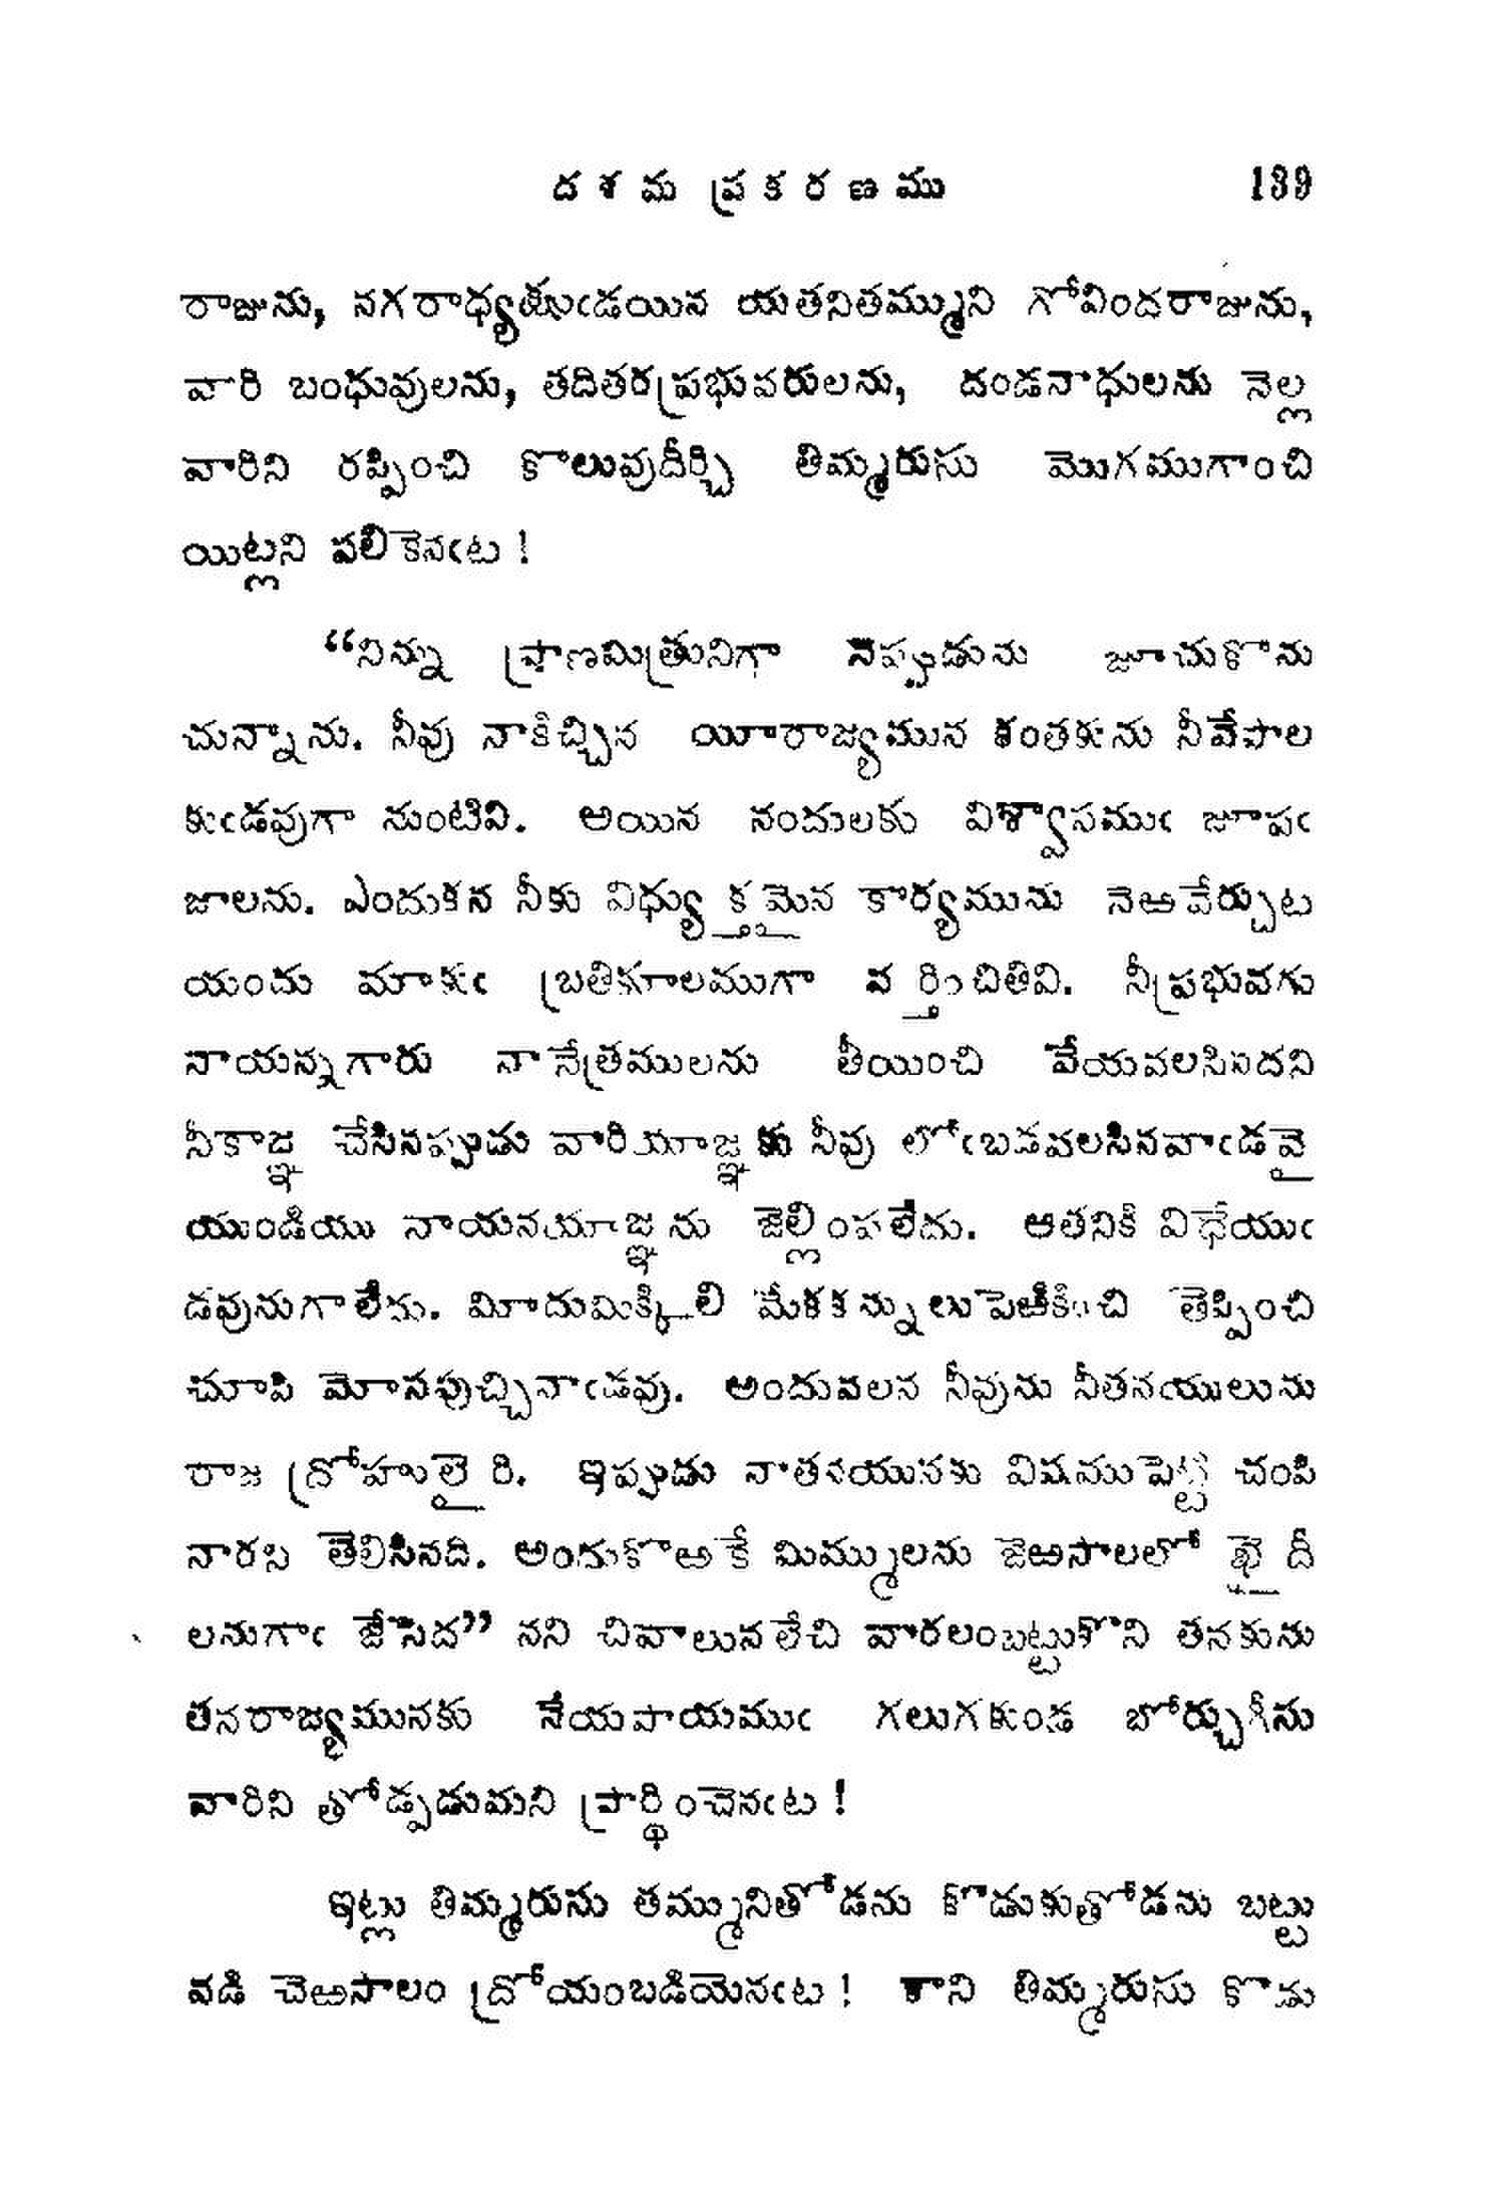రాజును, నగరాధ్యక్షుఁడయిన యతనితమ్ముని గోవిందరాజును, వారి బంధువులను, తదితర ప్రభువరులను, దండనాధులను నెల్లవారిని రప్పించి కొలువుదీర్చి తిమ్మరుసు మొగముగాంచి యిట్లని పలికెనఁట!

"నిన్ను ప్రాణమిత్రునిగా నెప్పుడును జూచుకొనుచున్నాను. నీవు నాకిచ్చిన యీరాజ్యమున కంతకును నీవేపాలకుఁడవుగా నుంటివి. అయిన నందులకు విశ్వాసముఁ జూపఁజాలను. ఎందుకన నీకు విధ్యుక్తమైన కార్యమును నేఱవేర్చుట యందు మాకుఁ బ్రతికూలముగా వర్తించితివి. నీప్రభువగు నాయన్నగారు నానేత్రములను తీయించి వేయవలసిపదని నీకాజ్ఞ చేసినప్పుడు వారియాజ్ఞకు నీవు లోఁబడవలసినవాఁడవై యుండియు నాయనయాజ్ఞను జెల్లింపలేదు. ఆతనికి విధేయుఁడవునుగాలేదు. మీదుమిక్కిలి మేకకన్నులుపెఱికించి తెప్పించి చూపి మోసపుచ్చినాఁడవు. అందువలన నీవును నీతనయులును రాజుద్రోహులైరి. ఇప్పుడు నాతనయునకు విషముపెట్టి చంపినారని తెలిసినది. అందుకొఱకే మిమ్ములను జెఱసాలలో ఖైదీలనుగాఁ జేసెద" నని చివాలునలేచి వారలంబట్టుకొని తనకును తనరాజ్యమునకు నేయపాయముఁ గలుగకుండ బోర్చుగీసు వారిని తోడ్పడుమని ప్రార్థించెనఁట ! 

ఇట్లు తిమ్మరుసు తమ్మునితోడను కొడుకుతోడను బట్టువడి చెఱసాలం ద్రోయంబడియెనఁట ! కాని త్రిమ్మరుసు కొడు